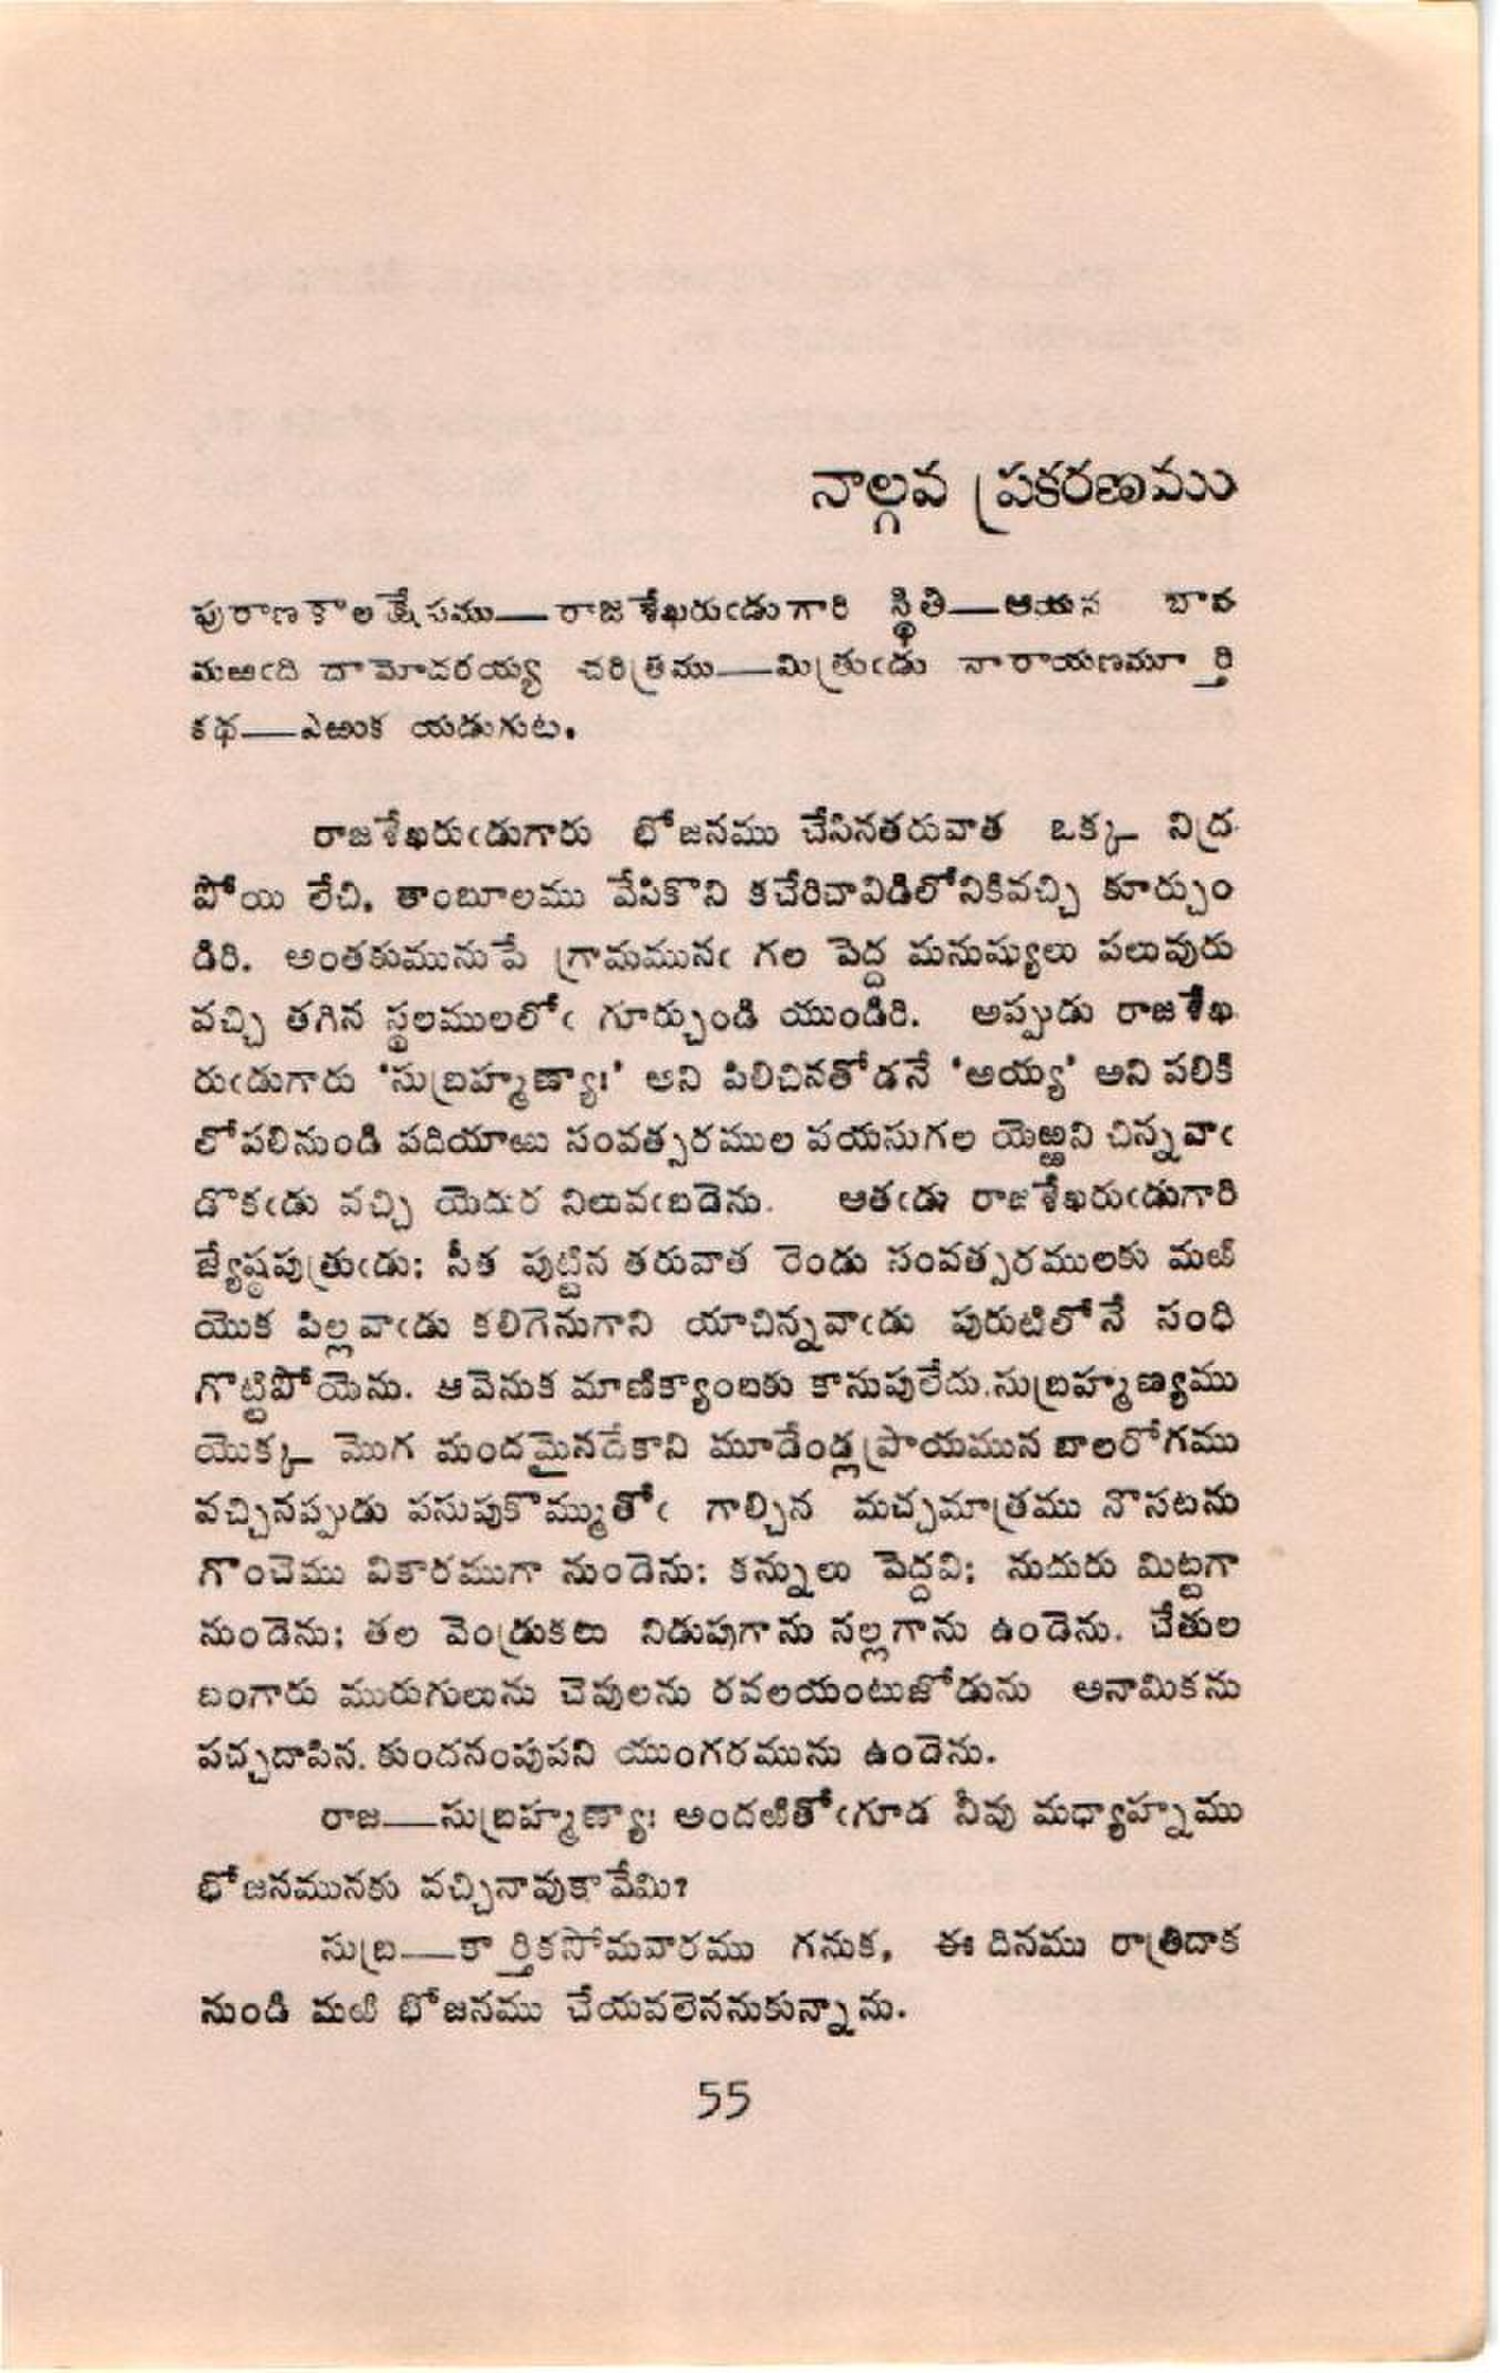నాల్గవ ప్రకరణము

రాజశేఖరుఁడుగారు భోజనము చేసినతరువాత ఒక్క నిద్ర పోయి లేచి, తాంబూలము వేసికొని కచేరిచావిడిలోనికివచ్చి కూర్చుండిరి. అంతకుమునుపే గ్రామమునఁ గల పెద్ద మనుష్యులు పలువురు వచ్చి తగిన స్థలములలో గూర్చుండి యుండిరి. అప్పుడు రాజశేఖరుడు గారు 'సుబ్రహ్మణ్యా" అని పిలిచినతోడనే 'అయ్య' అని పలికి లోపలినుండి పదియాఱు సంవత్సరముల వయసుగల యెఱ్ఱని చిన్నవాఁ డొకఁడు వచ్చి యెదుర నిలువఁబడెను. ఆతఁడు రాజశేఖరుఁడుగారి జ్యేష్టపుత్రుఁడు; సీత పుట్టిన తరువాత రెండు సంవత్సరములకు మఱి యొక పిల్లవాఁడు కలిగెనుగాని యాచిన్నవాఁడు పురుటిలోనే సంధి గొట్టిపోయెను. ఆ వెనుక మాణిక్యాంబకు కానుపులేదు.సుబ్రహ్మణ్యము యొక్క మొగ మందమైనదేకాని మూడేండ్లప్రాయమున బాలరోగము వచ్చినప్పడు పసుపుకొమ్ముతోఁ గాల్చిన మచ్చమాత్రము నొసటను గొంచెము వికారముగా నుండెను; కన్నులు పెద్దవి; నుదురు మిట్టగా నుండెను; తల వెండ్రుకలు నిడుపుగాను నల్లగాను ఉండెను. చేతుల బంగారు మురుగులను చెవులను రవలయంటుజోడును అనామికను పచ్చదాపిన కుందనంపుపని యుంగరమును ఉండెను.
 
రాజ__సుబ్రహ్మణ్యా! అందటితోఁగూడ నీవు మధ్యాహ్నము భోజనమునకు వచ్చినావుకావేమి?

సుబ్ర__కార్తిక సోమవారము గనుక, ఈ దినము రాత్రిదాక నుండి మఱి భోజనము చేయవలెననుకున్నాను.